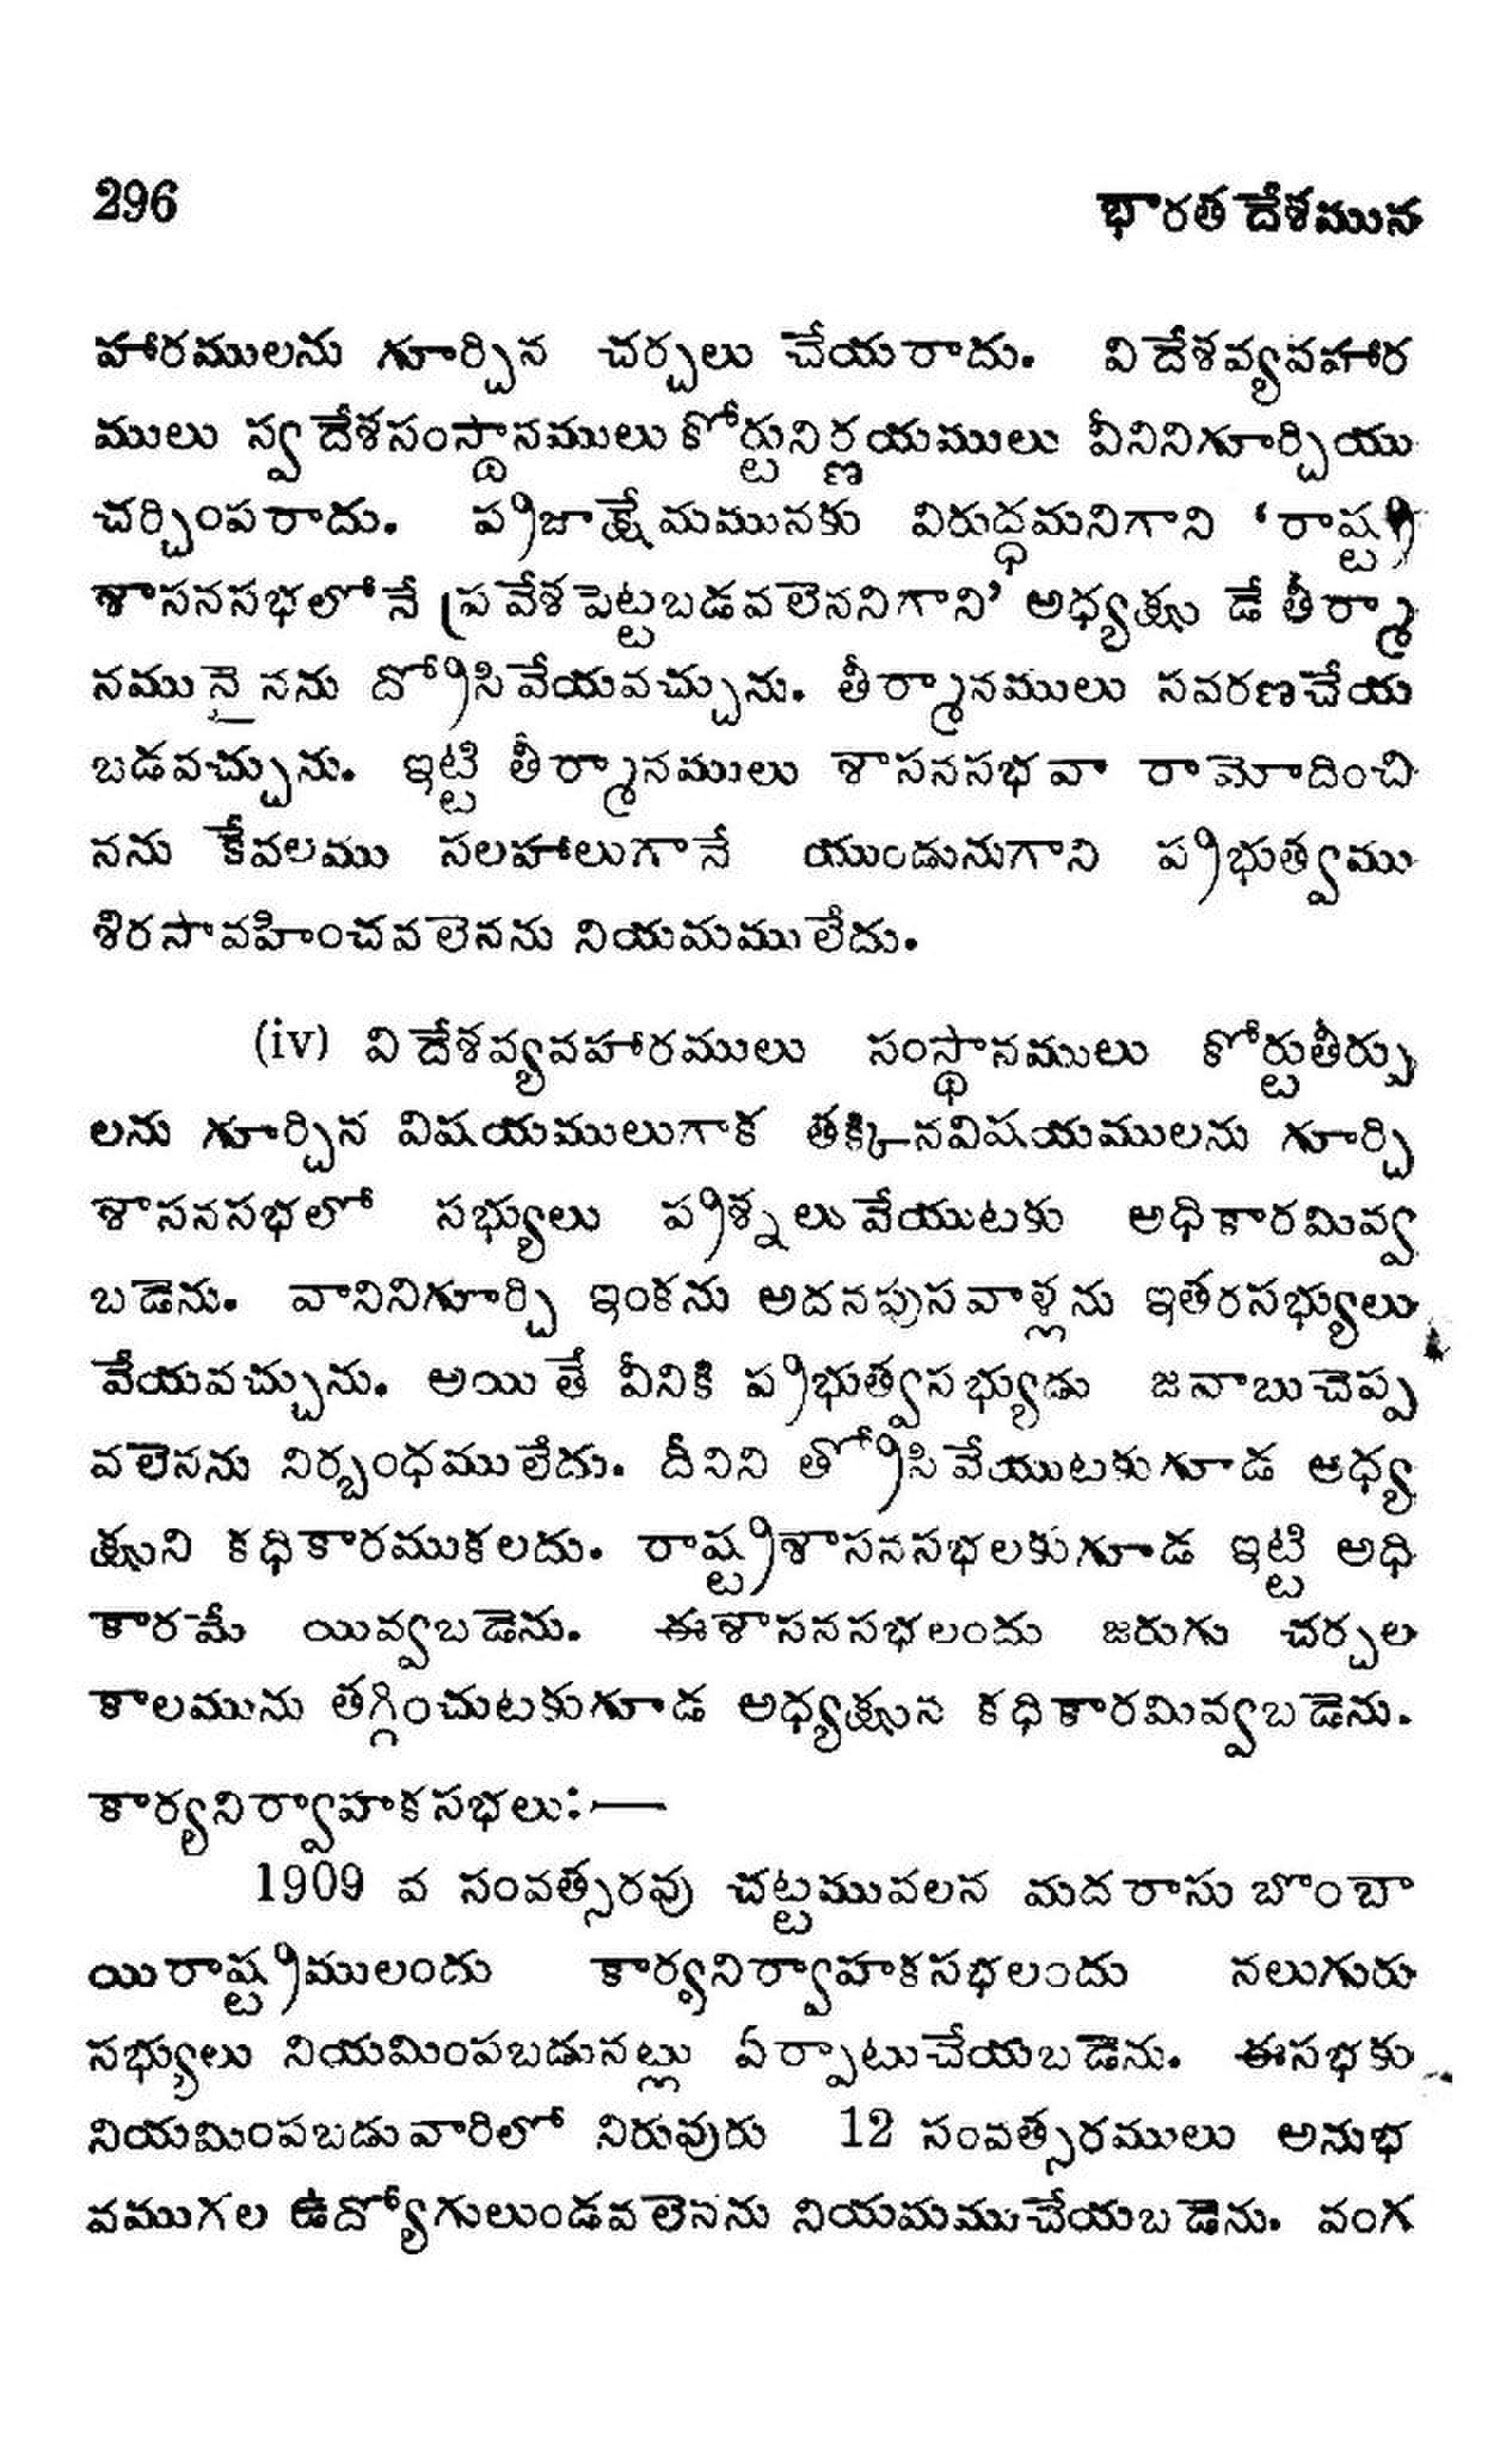హారములను గూర్చిన చర్చలు చేయరాదు. విదేశవ్యవహారములు స్వదేశసంస్థానములు కోర్టునిర్ణయములు వీనినిగూర్చియు చర్చింపరాదు. ప్రజాక్షేమమునకు విరుద్ధమనిగాని 'రాష్ట్రశాసనసభలోనే ప్రవేశపెట్టబడవలెననిగాని' అధ్యక్షు డే తీర్మానమునైనను ద్రోసి వేయవచ్చును. తీర్మానములు సవరణచేయబడవచ్చును. ఇట్టి తీర్మానములు శాసనసభవా రామోదించినను కేవలము సలహాలుగానే యుండునుగాని ప్రభుత్వము శిరసావహించవలెనను నియమములేదు.

(iv) విదేశవ్యవహారములు సంస్థానములు కోర్టుతీర్పులను గూర్చిన విషయములుగాక తక్కినవిషయములను గూర్చి శాసనసభలో సభ్యులు ప్రశ్నలువేయుటకు అధికారమివ్వబడెను. వానినిగూర్చి ఇంకను అదనపుసవాళ్లను ఇతరసభ్యులు వేయవచ్చును. అయితే వీనికి ప్రభుత్వసభ్యుడు జనాబు చెప్పవలెనను నిర్బంధములేదు. దీనిని త్రోసివేయుటకుగూడ అధ్యక్షుని కధికారముకలదు. రాష్ట్రశాసనసభలకుగూడ ఇట్టి అధికారమే యివ్వబడెను. ఈశాసనసభలందు జరుగు చర్చల కాలమును తగ్గించుటకుగూడ అధ్యక్షున కధికారమివ్వబడెను. 

కార్యనిర్వాహకసభలు:- 

1909 వ సంవత్సరవు చట్టమువలన మదరాసు బొంబాయిరాష్ట్రములందు కార్యనిర్వాహక సభలందు నలుగురుసభ్యులు నియమింపబడునట్లు ఏర్పాటు చేయబడెను. ఈసభకు నియమింపబడువారిలో నిరువురు 12 సంవత్సరములు అనుభవముగల ఉద్యోగులుండవలెనను నియమముచేయబడెను. వంగ